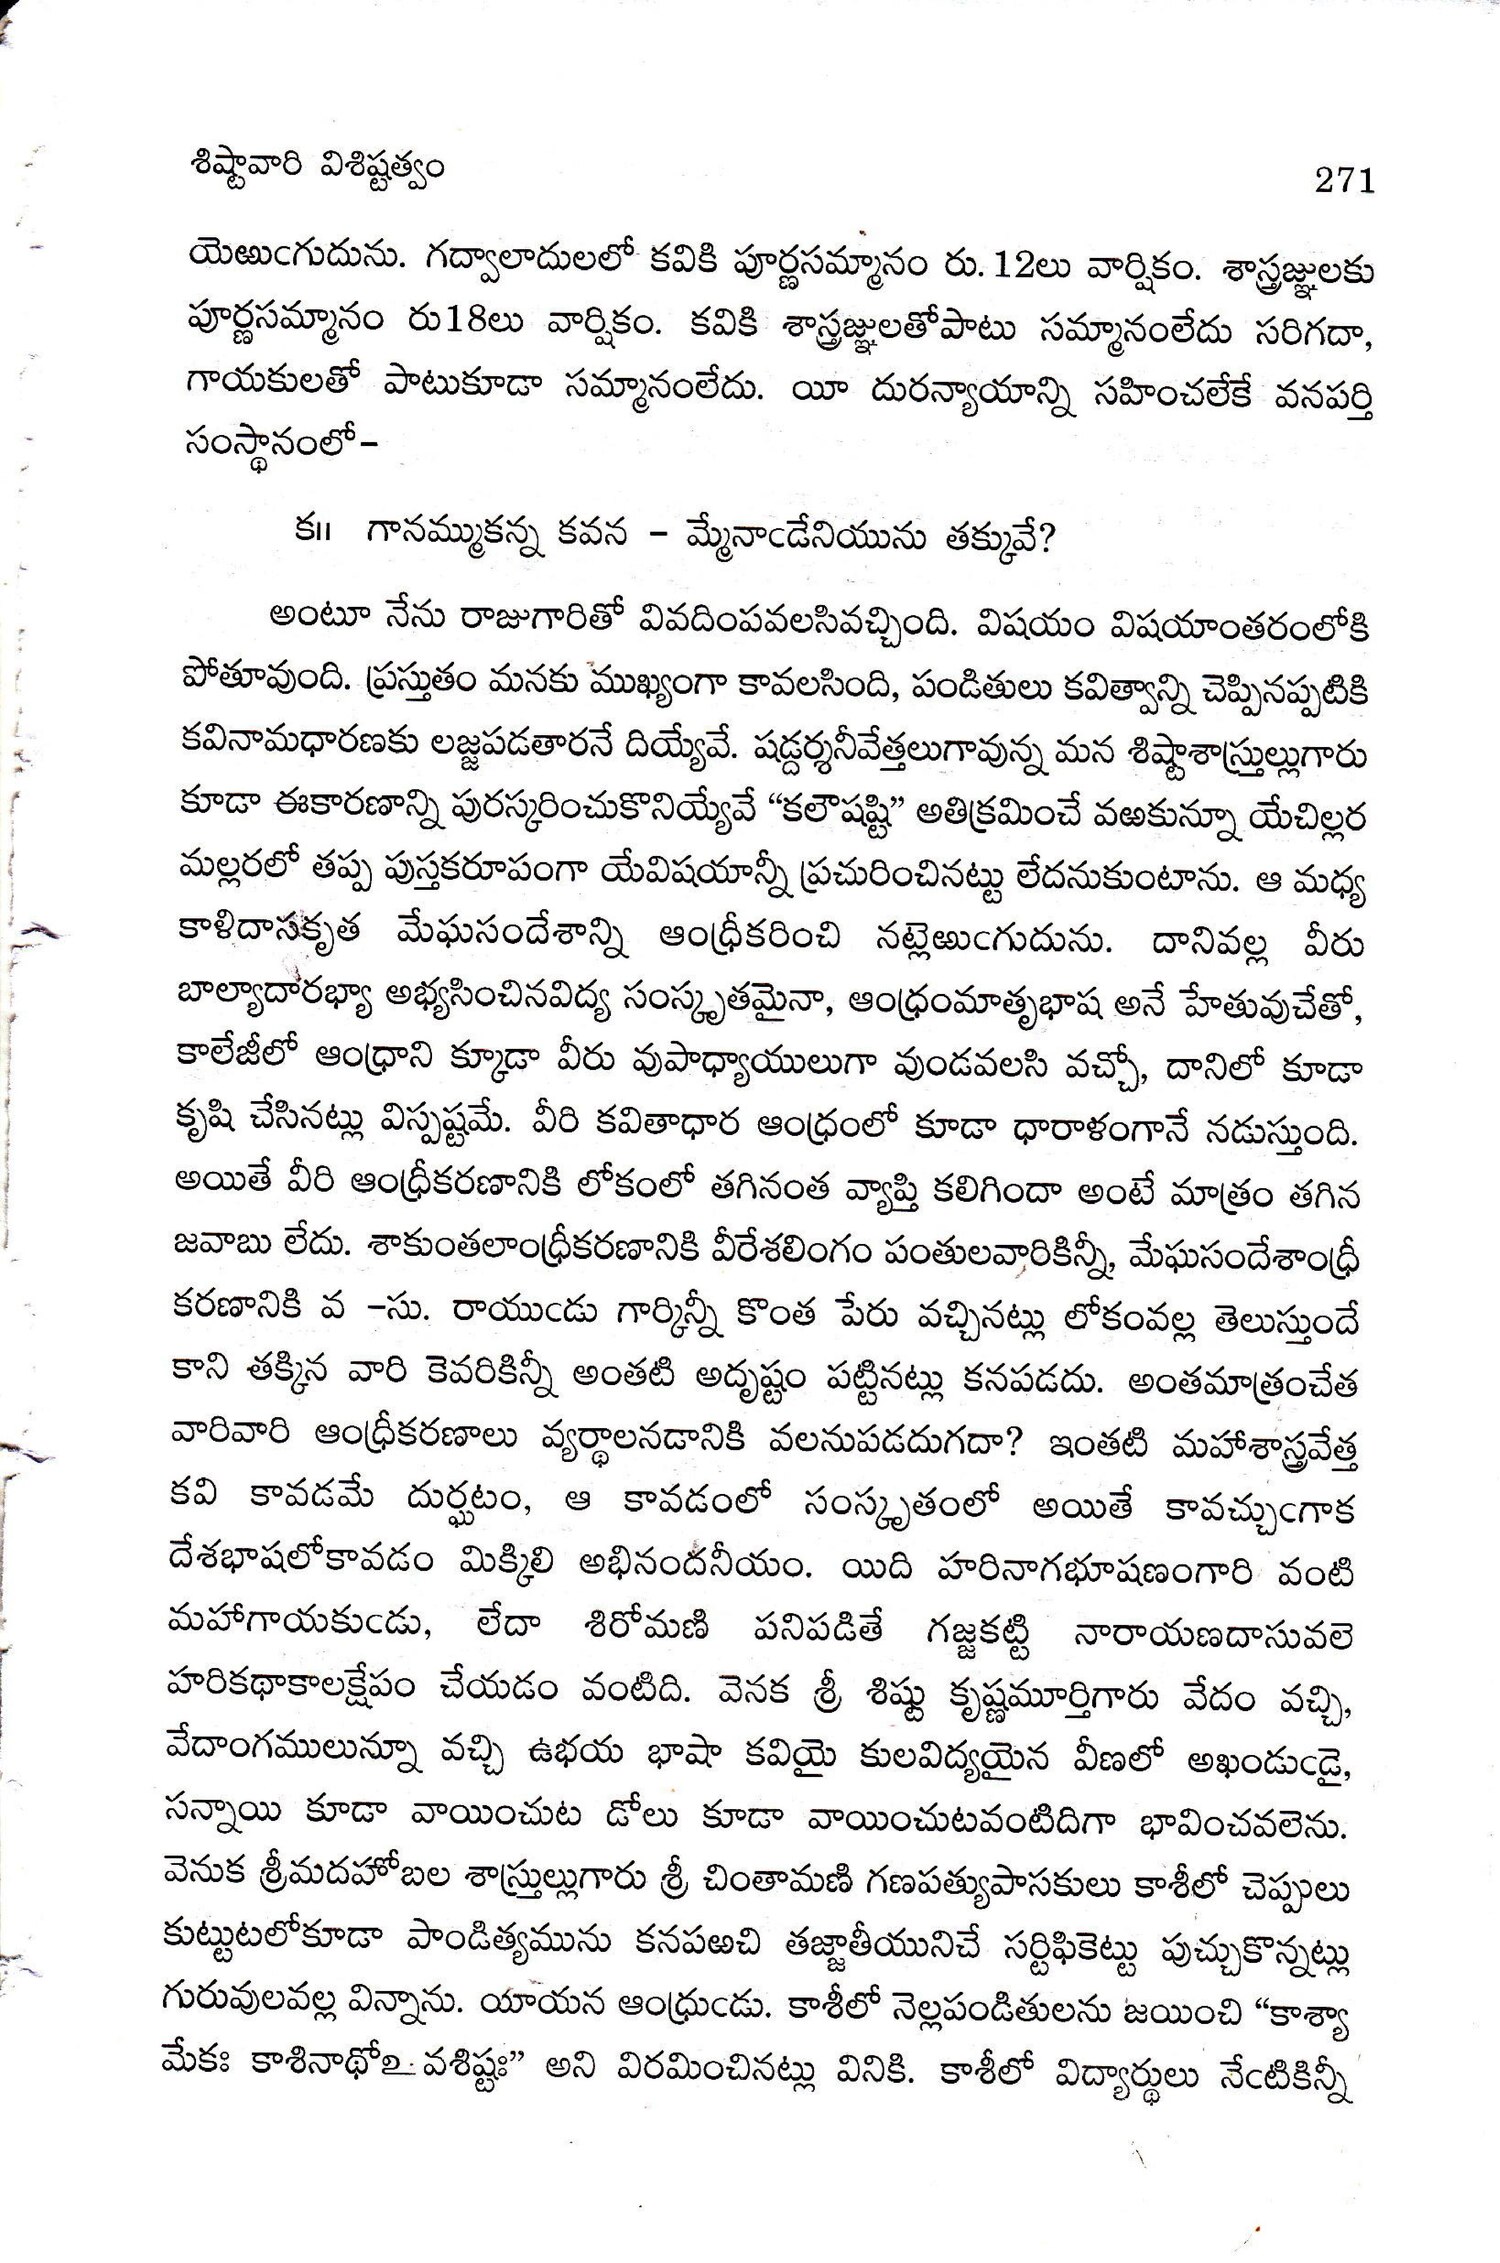యెఱుఁగుదును. గద్వాలాదులలో కవికి పూర్ణసమ్మానం రు.12లు వార్షికం. శాస్త్రజ్ఞులకు పూర్ణసమ్మానం రు18లు వార్షికం. కవికి శాస్త్రజ్ఞులతోపాటు సమ్మానంలేదు సరిగదా, గాయకులతో పాటుకూడా సమ్మానంలేదు. యీ దురన్యాయాన్ని సహించలేకే వనపర్తి సంస్థానంలో- -

కıı గానమ్ముకన్న కవన - మ్మేనాఁడేనియును తక్కువే?
అంటూ నేను రాజుగారితో వివదింపవలసివచ్చింది. విషయం విషయాంతరంలోకి పోతూవుంది. ప్రస్తుతం మనకు ముఖ్యంగా కావలసింది, పండితులు కవిత్వాన్ని చెప్పినప్పటికి కవినామధారణకు లజ్జపడతారనే దియ్యేవే. షడ్దర్శనీవేత్తలుగావున్న మన శిష్టాశాస్త్రుల్లుగారు కూడా ఈకారణాన్ని పురస్కరించుకొనియ్యేవే “కలౌషష్టి" అతిక్రమించే వఱకున్నూయేచిల్లర మల్లరలో తప్ప పుస్తకరూపంగా యేవిషయాన్నీ ప్రచురించినట్టు లేదనుకుంటాను. ఆ మధ్య కాళిదాసకృత మేఘసందేశాన్ని ఆంద్రీకరించి నట్లెఱుఁగుదును. దానివల్ల వీరు బాల్యాదారభ్యా అభ్యసించినవిద్య సంస్కృతమైనా, ఆంధ్రంమాతృభాష అనే హేతువుచేతో, కాలేజీలో ఆంధ్రాని క్కూడా వీరు వుపాధ్యాయులుగా వుండవలసి వచ్చో, దానిలో కూడా కృషి చేసినట్లు విస్పష్టమే. వీరి కవితాధార ఆంధ్రంలో కూడా ధారాళంగానే నడుస్తుంది. అయితే వీరి ఆంద్రీకరణానికి లోకంలో తగినంత వ్యాప్తి కలిగిందా అంటే మాత్రం తగిన జవాబు లేదు. శాకుంతలాంద్రీకరణానికి వీరేశలింగం పంతులవారికిన్నీ మేఘసందేశాంద్రీ కరణానికి వ -సు. రాయుఁడు గార్కిన్నీ కొంత పేరు వచ్చినట్లు లోకంవల్ల తెలుస్తుందే కాని తక్కిన వారి కెవరికిన్నీ అంతటి అదృష్టం పట్టినట్లు కనపడదు. అంతమాత్రంచేత వారివారి ఆంద్రీకరణాలు వ్యర్థాలనడానికి వలనుపడదుగదా? ఇంతటి మహాశాస్త్రవేత్త కవి కావడమే దుర్ఘటం, ఆ కావడంలో సంస్కృతంలో అయితే కావచ్చుఁగాక దేశభాషలోకావడం మిక్కిలి అభినందనీయం. యిది హరినాగభూషణంగారి వంటి మహాగాయకుcడు, లేదా శిరోమణి పనిపడితే గజ్జకట్టి నారాయణదాసువలె హరికథాకాలక్షేపం చేయడం వంటిది. వెనక శ్రీ శిష్టు కృష్ణమూర్తిగారు వేదం వచ్చి, వేదాంగములున్నూ వచ్చి ఉభయ భాషా కవియై కులవిద్యయైన వీణలో అఖండుఁడై, సన్నాయి కూడా వాయించుట డోలు కూడా వాయించుటవంటిదిగా భావించవలెను. వెనుక శ్రీమదహోబల శాస్త్రుల్లుగారు శ్రీ చింతామణి గణపత్యుపాసకులు కాశీలో చెప్పులు కుట్టుటలోకూడా పాండిత్యమును కనపఱచి తజ్జాతీయునిచే సర్టిఫికెట్టు పుచ్చుకొన్నట్లు గురువులవల్ల విన్నాను. యాయన ఆంధ్రుఁడు. కాశీలో నెల్లపండితులను జయించి “కాశ్యా మేకః కాశినాథో౽వశిష్ట" అని విరమించినట్లు వినికి. కాశీలో విద్యార్థులు నేఁటికిన్నీ